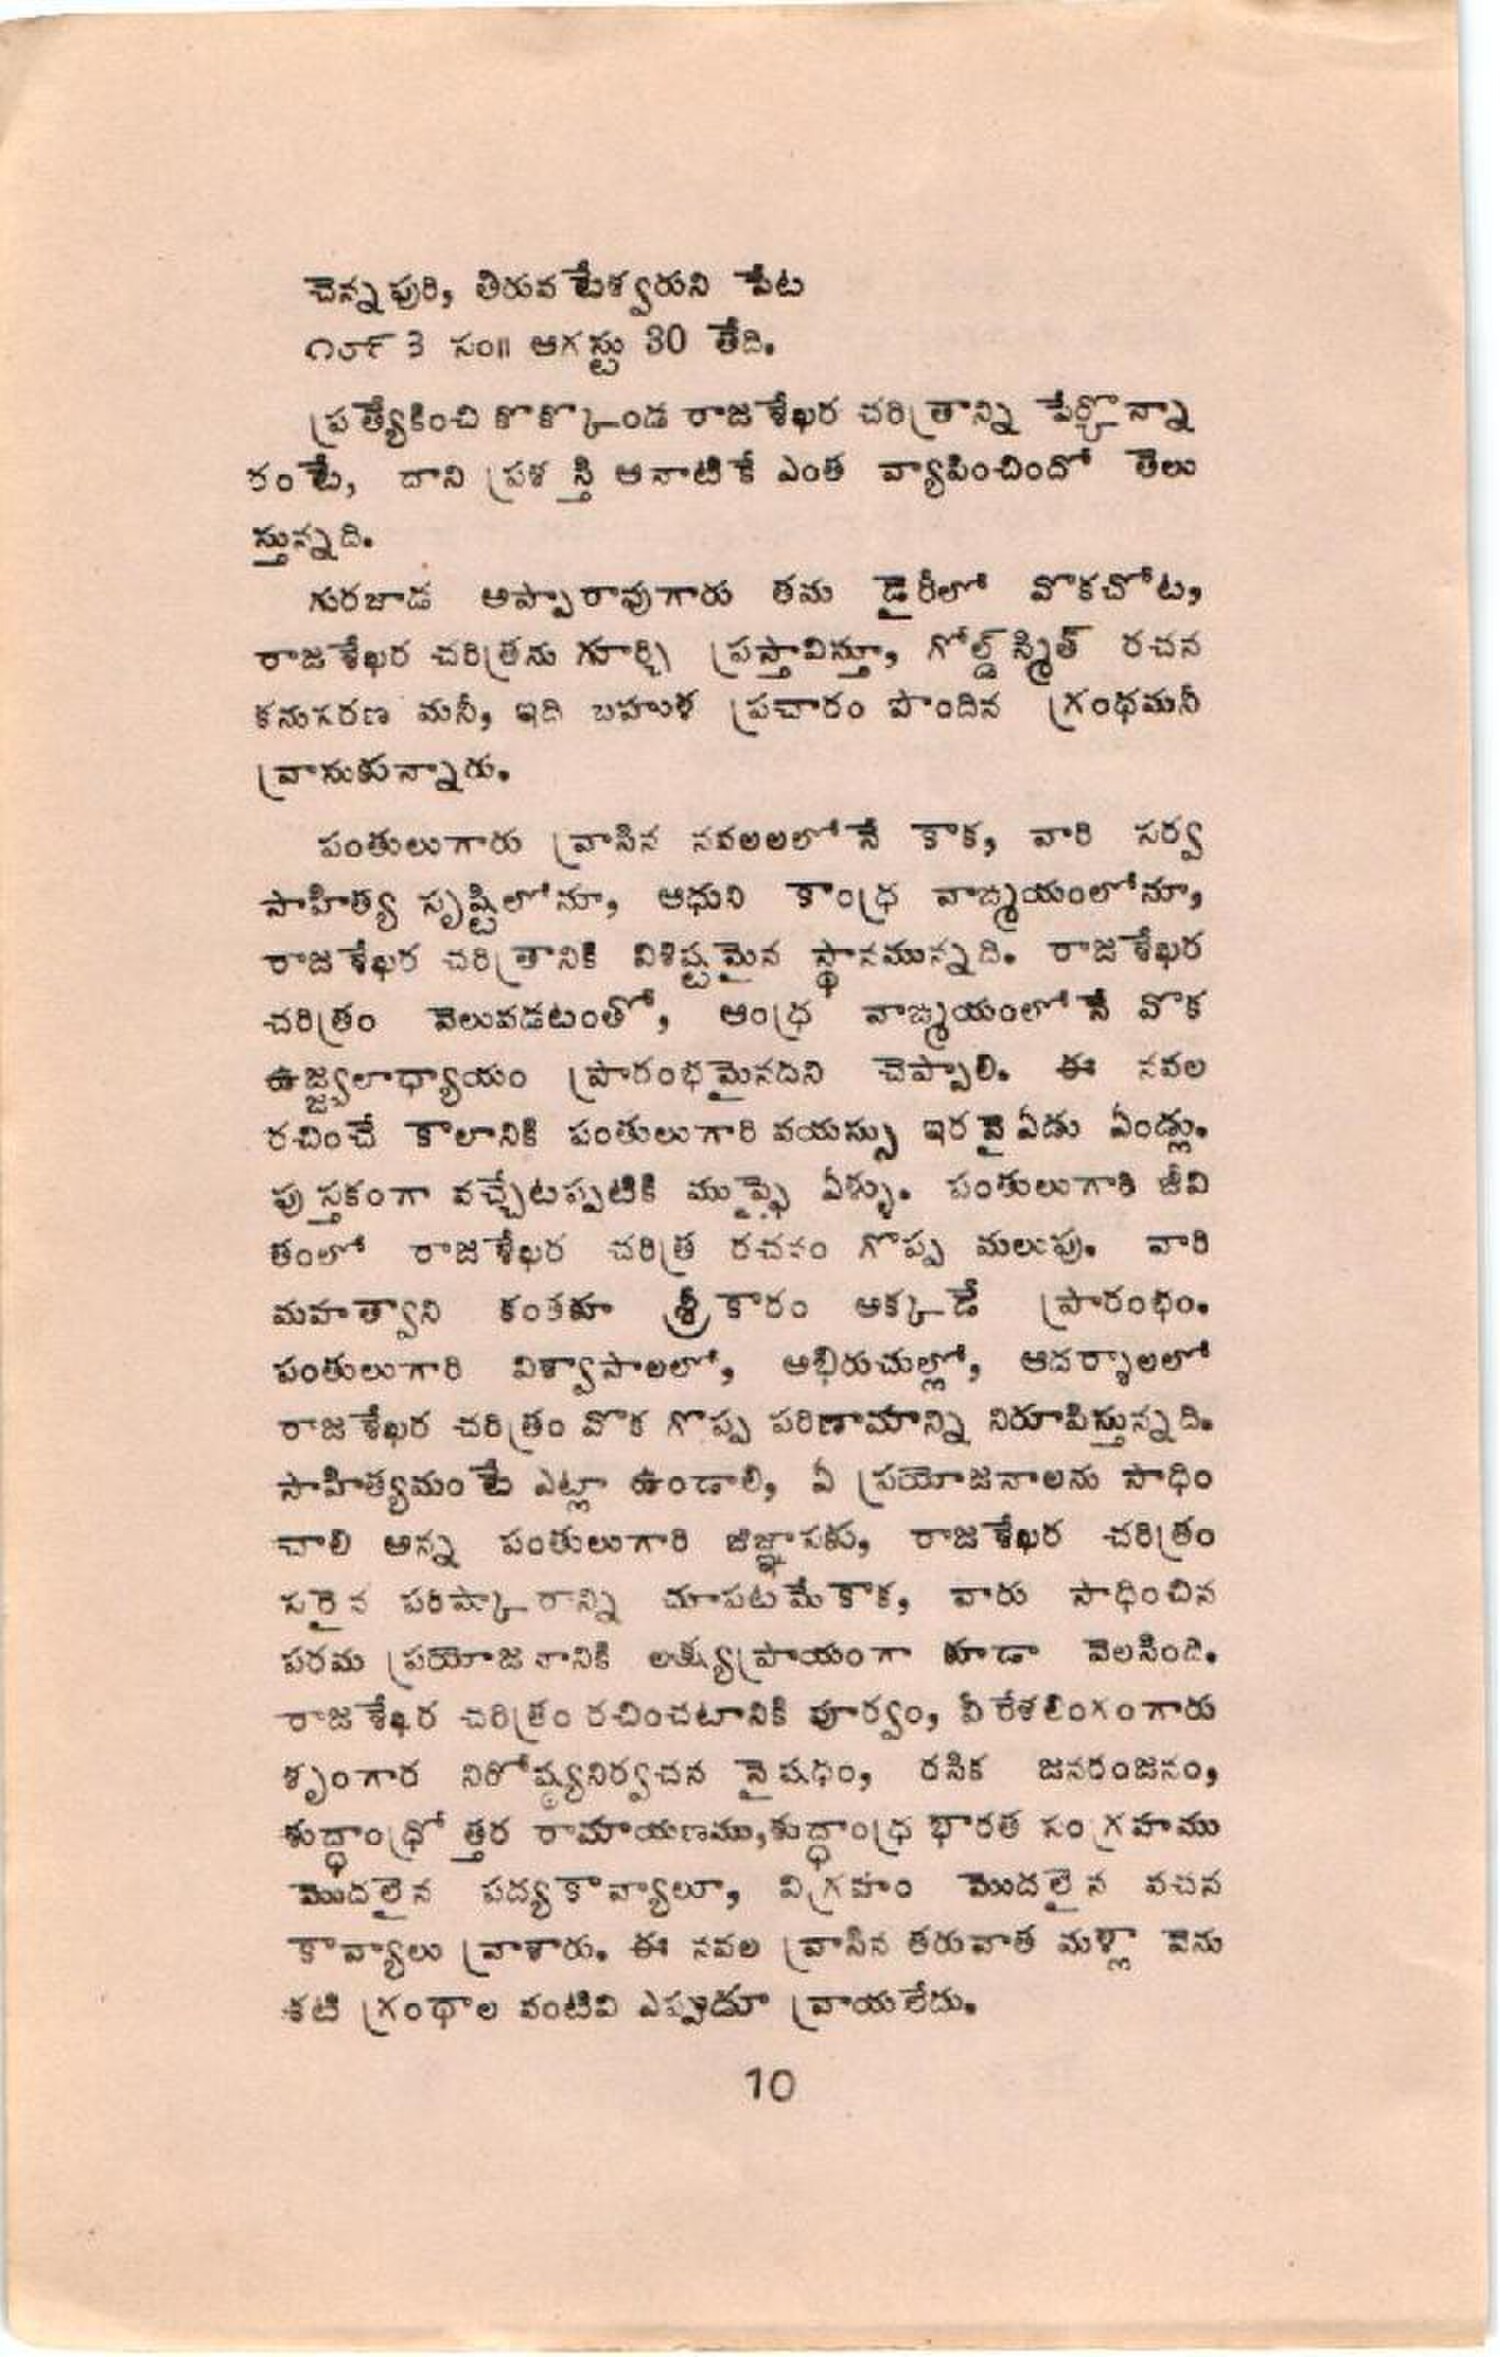చెన్నపురి, తిరువటేశ్వరుని పేట 
౧౮౯౩ సం|| ఆగస్టు ౩౦ తేది.

ప్రత్యేకించి కొక్కొండ రాజశేఖర చరిత్రాన్ని పేర్కొన్నారంటే, దాని ప్రశస్తి ఆనాటికే ఎంత వ్యాపించిందో తెలుస్తున్నది.
 
గురజాడ అప్పారావుగారు తమ డైరీలో వొకచోట, రాజశేఖర చరిత్రను గూర్చి ప్రస్తావిస్తూ, గోల్డ్ స్మిత్ రచన కనుసరణ మనీ, ఇది బహుళ ప్రచారం పొందిన గ్రంథమనీ వ్రాసుకున్నారు.

పంతులు గారు వ్రాసిన నవలలలోనే కాక, వారి సర్వ సాహిత్య సృష్టిలోనూ ఆధుని కాంధ్ర వాఙ్మయంలోనూ, రాజశేఖర చరిత్రానికి విశిష్టమైన స్థానమున్నది. రాజశేఖర చరిత్రం వెలువడటంతో, ఆంధ్ర వాజ్మయంలోనే వొక ఉజ్జ్వలాధ్యాయం ప్రారంభమైనదని చెప్పాలి. ఈ నవల రచించే కాలానికి పంతులుగారి వయస్సు ఇరవై ఏడు ఏండ్లు. పుస్తకంగా వచ్చేటప్పటికి ముప్ఫై ఏళ్ళు. పంతులుగారి జీవితంలో రాజశేఖర చరిత్రం సరైన పరిష్కారాన్ని చూపటమే కాక, వారు సాధించిన పరమ ప్రయోజనానికి లక్ష్యప్రాయంగా కూడా వెలసింది. రాజశేఖర చరిత్రం రచించడానికి పూర్వం వీరేశలింగం గారు శృంగార నిరోష్ఠ్యనిర్వచన నైషధం, రసిక జనరంజనం, శుద్ధాంధ్రోత్తర రామాయణము, శుద్ధాంధ్ర భారత సంగ్రహము మొదలైన పద్య కావ్యాలూ, విగ్రహం మొదలైన వచన కావ్యాలు వ్రాశారు. ఈ నవల వ్రాసిన తరువాత మళ్ళా వెనుకటి గ్రంథాల వంటివి ఎప్పుడూ వ్రాయలేదు.